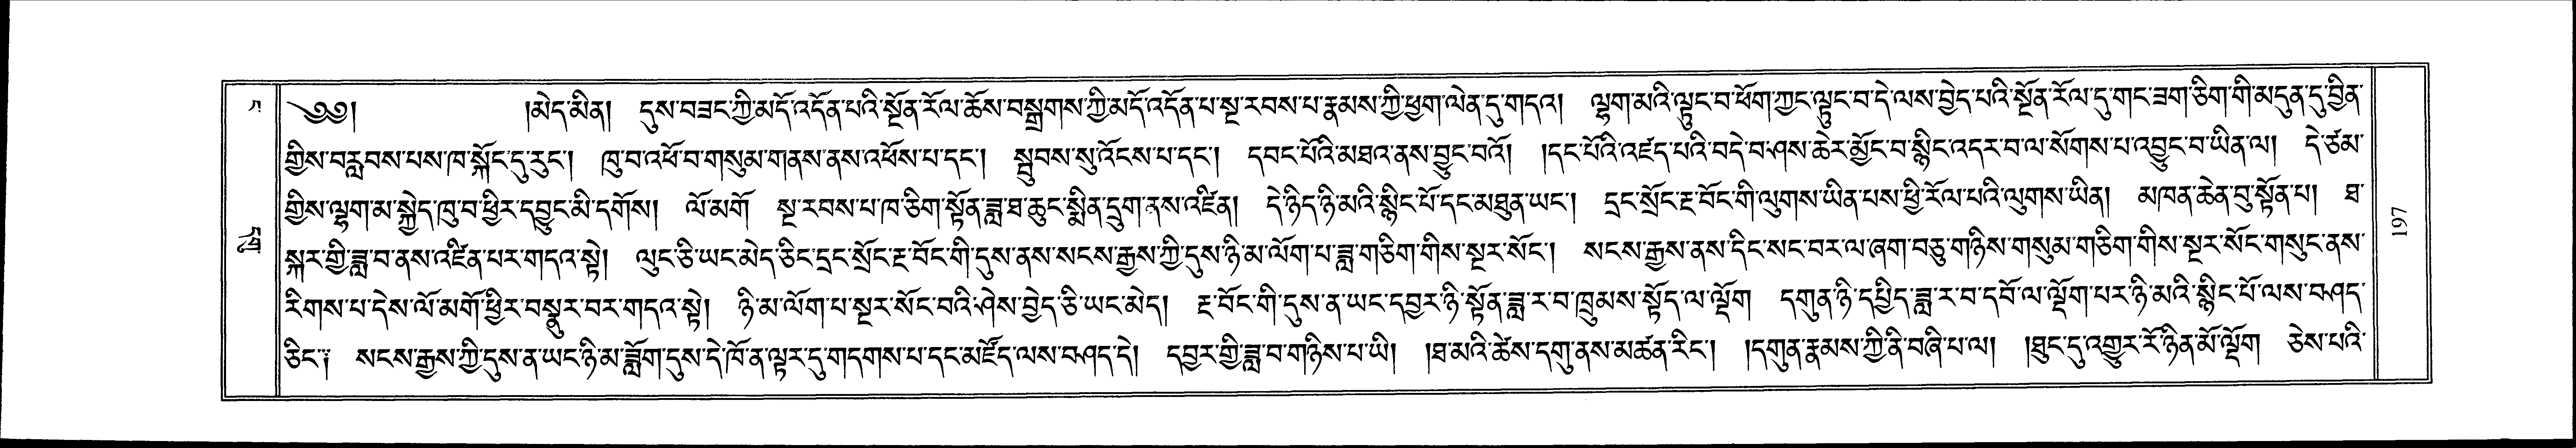༄༅། །མེད་མིན། དུས་བཟང་ཀྱི་མདོ་འདོན་པའི་སྔོན་རོལ་ཆོས་བསྒྲགས་ཀྱི་མདོ་འདོན་པ་སྔ་རབས་པ་རྣམས་ཀྱི་ཕྱག་ལེན་དུ་གདའ། ལྷག་མའི་ལྟུང་བ་ཕོག་ཀྱང་ལྟུང་བ་དེ་ལས་བྱེད་པའི་སྔོན་རོལ་དུ་གང་ཟག་ཅིག་གི་མདུན་དུ་བྱིན་
གྱིས་བརླབས་པས་ཁ་སྐོང་དུ་རུང་། ཁུ་བ་འཕོ་བ་གསུམ་གནས་ནས་འཕོས་པ་དང་། སྦུབས་སུ་འོངས་པ་དང་། དབང་པོའི་མཐའ་ནས་བྱུང་བའོ། །དང་པོའི་འཛད་པའི་བདེ་བ་ཤས་ཆེར་མྱོང་བ་སྙིང་འདར་བ་ལ་སོགས་པ་འབྱུང་བ་ཡིན་ལ། དེ་ཙམ་
གྱིས་ལྷག་མ་སྐྱེད་ཁུ་བ་ཕྱིར་དབྱུང་མི་དགོས། ལོ་མགོ་སྔ་རབས་པ་ཁ་ཅིག་སྟོན་ཟླ་ཐ་ཆུང་སྨིན་དྲུག་ནས་འཛིན། དེ་ཉིད་ཉི་མའི་སྙིང་པོ་དང་མཐུན་ཡང་། དྲང་སྲོང་རྔ་བོང་གི་ལུགས་ཡིན་པས་ཕྱི་རོལ་པའི་ལུགས་ཡིན། མཁན་ཆེན་བུ་སྟོན་པ། ཐ་
སྐར་གྱི་ཟླ་བ་ནས་འཛིན་པར་གདའ་སྟེ། ལུང་ཅི་ཡང་མེད་ཅིང་དྲང་སྲོང་རྔ་བོང་གི་དུས་ནས་སངས་རྒྱས་ཀྱི་དུས་ཉི་མ་ལོག་པ་ཟླ་གཅིག་གིས་སྔར་སོང་། སངས་རྒྱས་ནས་དིང་སང་བར་ལ་ཞག་བཅུ་གཉིས་གསུམ་གཅིག་གིས་སྔར་སོང་གསུང་ནས་
རིགས་པ་དེས་ལོ་མགོ་ཕྱིར་བསྣུར་བར་གདའ་སྟེ། ཉི་མ་ལོག་པ་སྔར་སོང་བའི་ཤེས་བྱེད་ཅི་ཡང་མེད། རྔ་བོང་གི་དུས་ན་ཡང་དབྱར་ཉི་སྟོན་ཟླ་ར་བ་ཁྲུམས་སྟོད་ལ་ལྡོག །དགུན་ཉི་དཔྱིད་ཟླ་ར་བ་དབོ་ལ་ལྡོག་པར་ཉི་མའི་སྙིང་པོ་ལས་བཤད་
ཅིང་། སངས་རྒྱས་ཀྱི་དུས་ན་ཡང་ཉི་མ་ཟློག་དུས་དེ་ཁོ་ན་ལྟར་དུ་གདགས་པ་དང་མཛོད་ལས་བཤད་དེ། དབྱར་གྱི་ཟླ་བ་གཉིས་པ་ཡི། །ཐ་མའི་ཚེས་དགུ་ནས་མཚན་རིང་། །དགུན་རྣམས་ཀྱི་ནི་བཞི་པ་ལ། །ཐུང་དུ་འགྱུར་རོ་ཉིན་མོ་ལྡོག་ཅེས་པའི་